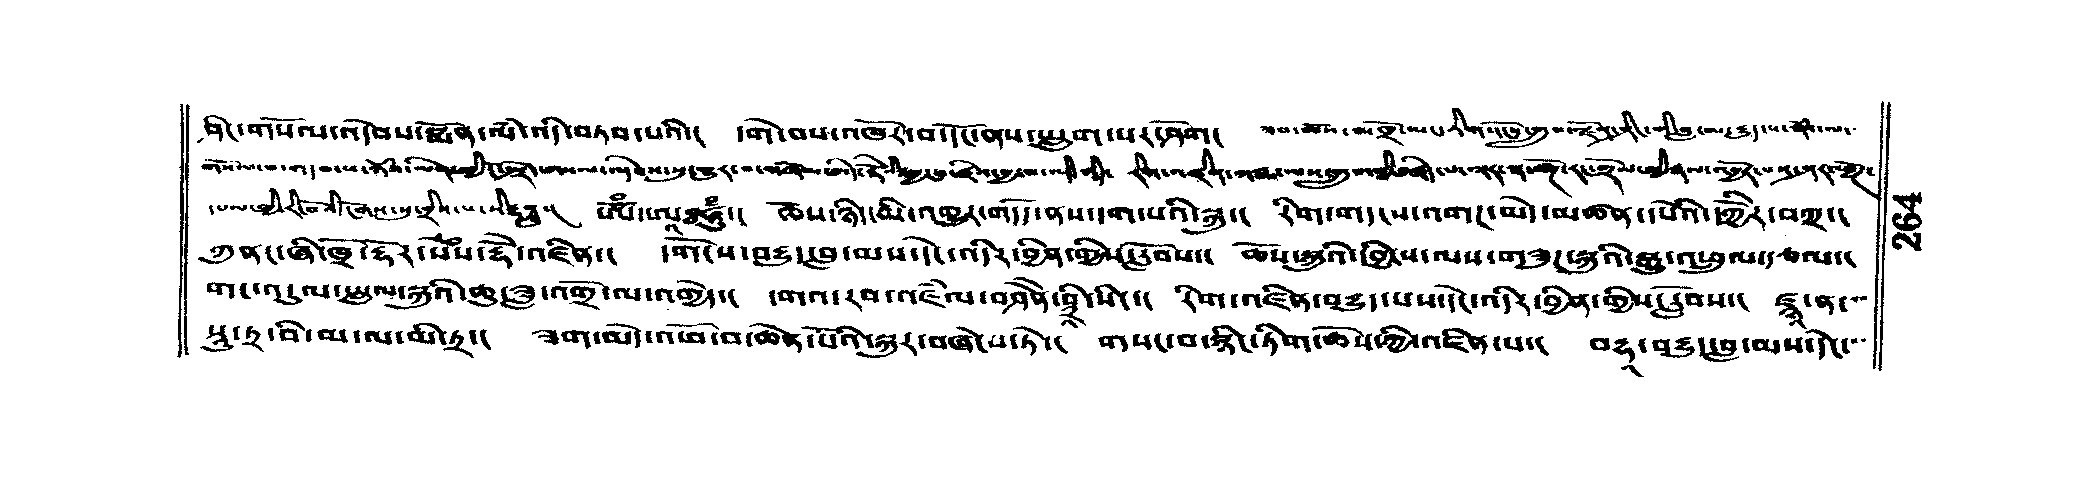ཤིང་གསོལ་འདེབས་སྨོན་ལམ་འདི་བཏབ་པའི། །དགེ་བས་འཁོར་བ་དོང་ནས་སྤྲུག་པར་ཤོག ཟབ་ཆོས་མཁའ་འགྲོ་ཡང་རིག་དངོས་གྲུབ་ལྗོན་ཤིང་གི་བླ་མ་རྒྱུད་པ་རྣམས་ལ་
གསོལ་བ་གདབ་པ་ཉམས་ལེན་གྱི་ངོ་སྤྲོད་གསལ་འདེབས་སུ་གྱུར་བ་གཞོམ་མེད་རྡོ་རྗེའི་དབྱངས་ཞེས་བྱ་བ་འདི་ཉིད། རིག་འཛིན་ཀརྨ་ལས་གྲུབ་ཀྱི་བཞེད་པ་ལྟར་སྣ་ཚོགས་རང་གྲོལ་གྱི་རྣལ་འབྱོར་པས་ཤར་ཕྱོགས་
དཔལ་གྱི་རི་བོའི་ངོགས་སུ་བྲིས་པ་སིདྷནྟུ། ཨོཾ་ཨཱཿཧཱུྃ། ཆོས་ཉིད་མི་འགྱུར་གདོད་ནས་དག་པའི་སྐུ། །རིག་གདངས་འགགས་མེད་མཚན་དཔེའི་དཀྱིལ་འཁོར་བཀྲ། །
ཀུན་བཟང་ཞི་ཁྲོ་རྡོར་སེམས་རྡོ་རྗེ་འཛིན། །དགོངས་བརྒྱུད་བླ་མས་དེང་འདིར་བྱིན་གྱིས་རློབས། །ཆོས་སྐུའི་དབྱིངས་ལས་གཟུགས་སྐུའི་སྒྱུ་འཕྲུལ་རྩལ། །
གང་འདུལ་སྤྲུལ་སྐུའི་ཆུ་ཟླ་འགྲོ་ལ་འགྱེད། །དགའ་རབ་འཇམ་དཔལ་བཤེས་གཉེན་ཤྲཱི་སིང་། །རིག་འཛིན་བརྒྱུད་པས་དེང་འདིར་བྱིན་གྱིས་རློབས། །ཛྙཱ་ན་
སཱུ་ཏྲ་བི་མ་ལ་མི་ཏྲ། །ཟག་མེད་འཕོ་བ་ཆེན་པོའི་སྐུར་བཞེངས་ཏེ། །གསང་བ་སྙིང་ཏིག་ཆོས་ཀྱི་མཛོད་འཛིན་པ།བརྡ་བརྒྱུད་བླ་མས་དེང་